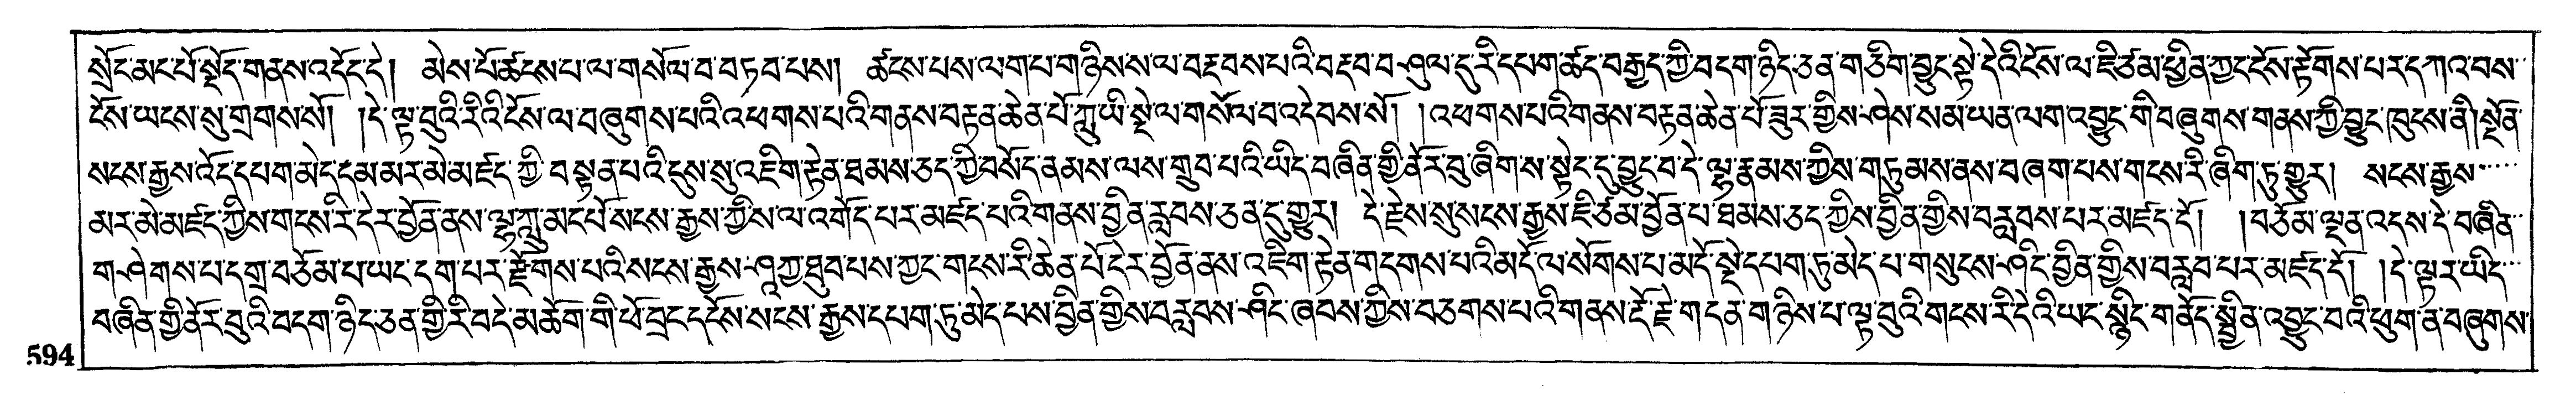སྲོང་མང་པོ་སྔོད་གནས་འདོད་དེ། མེས་པོ་ཚངས་པ་ལ་གསོལ་བ་བཏབ་པས། ཚངས་པས་ལག་པ་གཉིས་ས་ལ་བརྡབས་པའི་བརྡབ་བཤུལ་དུ་རི་དཔག་ཚད་བརྒྱད་ཀྱི་བདག་ཉིད་ཅན་གཅིག་བྱུང་སྟེ་དེའི་ངོས་ལ་ཇི་ཙམ་ཕྱིན་ཀྱང་ངོས་རྟོགས་པར་དཀའ་བས་
ངོས་ཡངས་སུ་གྲགས་སོ། །དེ་ལྟ་བུའི་རིའི་ངོས་ལ་བཞུགས་པའི་འཕགས་པའི་གནས་བརྟན་ཆེན་པོ་ཀླུ་ཡི་སྡེ་ལ་གསོལ་བ་འདེབས་སོ། །འཕགས་པའི་གནས་བརྟན་ཆེན་པོ་ཟུར་གྱིས་ཤེས་སམ་ཡན་ལག་འབྱུང་གི་བཞུགས་གནས་ཀྱི་བྱུང་ཁུངས་ནི། སྔོན་
སངས་རྒྱས་འོད་དཔག་མེད་དམ་མར་མེ་མཛད་ཀྱི་བསྟན་པའི་དུས་སུ་འཇིག་རྟེན་ཐམས་ཅད་ཀྱི་བསོད་ནམས་ལས་གྲུབ་པའི་ཡིད་བཞིན་གྱི་ནོར་བུ་ཞིག་ས་སྟེང་དུ་བྱུང་བ་དེ་ལྷ་རྣམས་ཀྱིས་གཏུམས་ནས་བཞག་པས་གངས་རི་ཞིག་ཏུ་གྱུར། སངས་རྒྱས་
མར་མེ་མཛད་ཀྱིས་གངས་རི་དེར་བྱོན་ནས་ལྷ་ཀླུ་མང་པོ་སངས་རྒྱས་ལ་འགོད་པར་མཛད་པའི་གནས་བྱིན་རླབས་ཅན་དུ་གྱུར། དེ་རྗེས་སུ་སངས་རྒྱས་ཇི་ཙམ་བྱོན་པ་ཐམས་ཅད་ཀྱིས་བྱིན་གྱིས་བརླབས་པར་མཛད་དོ། །བཅོམ་ལྡན་འདས་དེ་བཞིན་
གཤེགས་པ་དགྲ་བཅོམ་པ་ཡང་དག་པར་རྫོགས་པའི་སངས་རྒྱས་ཤཱཀྱ་ཐུབ་པས་ཀྱང་གངས་རི་ཆེན་པོ་དེར་བྱོན་ནས་འཇིག་རྟེན་གདགས་པའི་མདོ་ལ་སོགས་པ་མདོ་སྡེ་དཔག་ཏུ་མེད་པ་གསུངས་ཤིང་བྱིན་གྱིས་བརླབ་པར་མཛད་དོ། །དེ་ལྟར་ཡིད་
བཞིན་གྱི་ནོར་བུའི་བདག་ཉིད་ཅན་གྱི་རི་བདེ་མཆོག་གི་ཕོ་བྲང་དངོས་སངས་རྒྱས་དཔག་ཏུ་མེད་པས་བྱིན་གྱིས་བརླབས་ཤིང་ཞབས་ཀྱིས་བཅགས་པའི་གནས་རྡོ་རྗེ་གདན་གཉིས་པ་ལྟ་བུའི་གངས་རི་དེའི་ཡང་སྙིང་གནོད་སྦྱིན་འབྱུང་བའི་ཕུག་ན་བཞུགས་